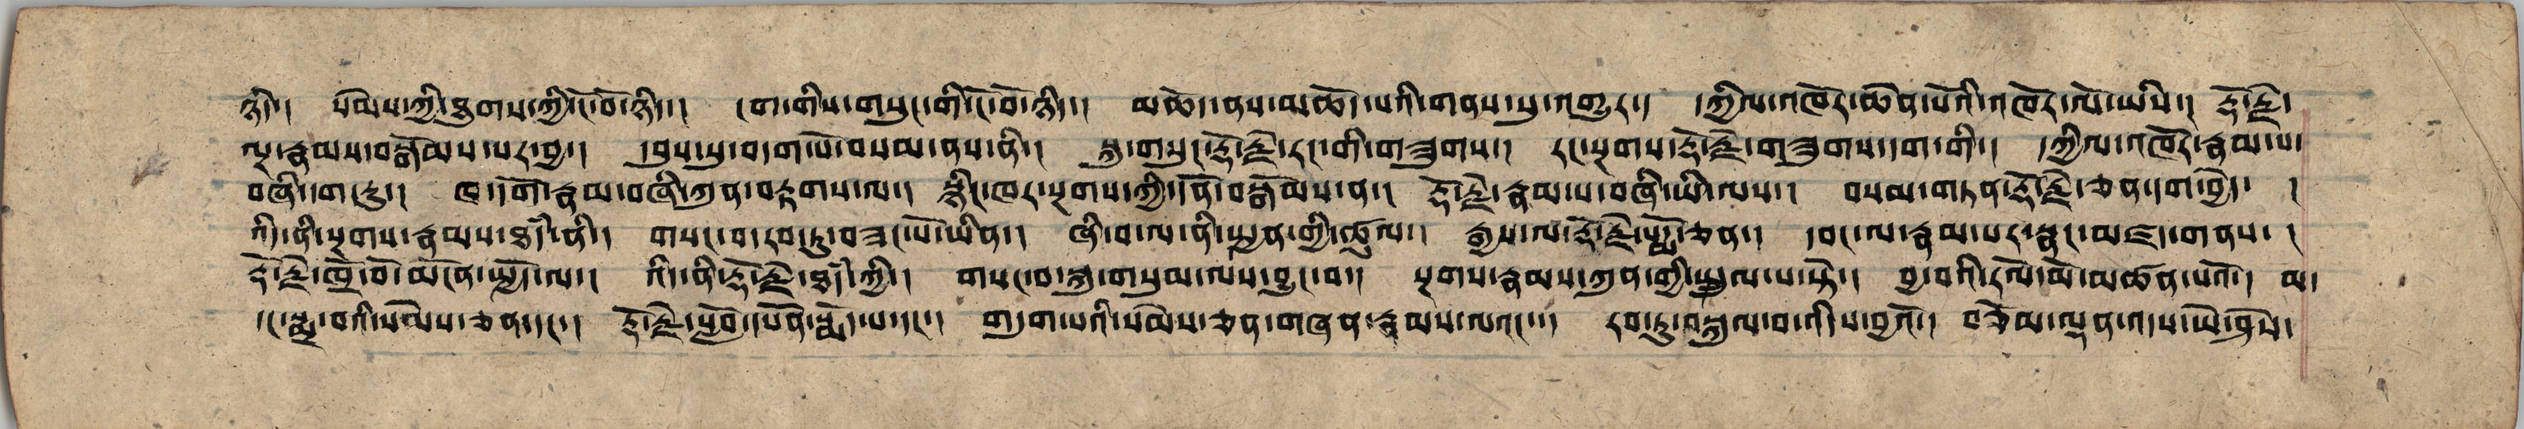ཉིད་། སེམས་ཀྱི་ཐུགས་ཀྱི་ངོ་བོ་ཉིད་། ངག་གིས་གསུང་གི་ངོ་བོ་ཉིད་། མཆོད་ནས་མཆོད་པའི་གནས་སུ་འགྱུར་། དཀྱིལ་འཁོར་ཆེན་པོའི་འཁོར་ལོ་ཡིས་། རྡོ་རྗེ་
ལྔ་རྣམས་བསྒོམས་པར་བྱ་། དབུས་སུ་བདག་པོ་བསམ་ནས་ནི་། སྐུ་གསུང་རྡོ་རྗེ་རང་གི་གཟུགས་། རང་སྔགས་རྡོ་རྗེ་གཟུགས་དག་གི་། དཀྱིལ་འཁོར་རྣམ་པ་
བཞི་དག་ཏུ་། ཁ་དོག་རྣམ་བཞི་ཀུན་བརྟགས་ལ་། སྙིང་ཁར་སྔགས་ཀྱི་དོན་བསྒཽམས་ན་། རྡོ་རྗེ་རྣམ་པ་བཞི་ཡི་ལས་། བསམ་གཏན་རྡོ་རྗེ་ཅན་དག་བྱེད་
འདི་ནི་སྔགས་རྣམས་ཐཾད་ནི་། གསང་བ་རབ་ཏུ་བཟང་པོ་ཡིན་། ཞི་བ་ལ་ནི་སྤྱན་གྱི་ཚུལ་། རྒྱས་ལ་རྡོ་རྗེ་པདྨོ་ཅན་། དབང་ལ་རྣམ་པར་སྣང་མཛད་གནས་ །
རྡོ་རྗེ་ཁྲོ་བོ་མངོན་སྤྱོད་ལ་། འདི་ནི་རྡོ་རྗེ་ཐཾད་ཀྱི་། གསང་བ་སྐུ་གསུམ་ལས་བྱུང་བ་། སྔགས་རྣམས་ཀུན་གྱི་སྤྲུལ་པ་སྟེ་། བྱ་བའི་རོལ་མོ་མཚན་པའོ་། མ་
དང་སྨྲ་བའི་སེམས་ཅན་དང་། རྡོ་རྗེ་སློབ་དཔོན་སྨོད་པ་དང་། གདུག་པའི་སེམས་ཅན་གཞན་རྣམས་ལའང་་། རབ་ཏུ་བསྐུལ་བ་འདིས་བྱའོ་། བཅོམ་ལྡན་འདས་ཡེ་ཤེས་